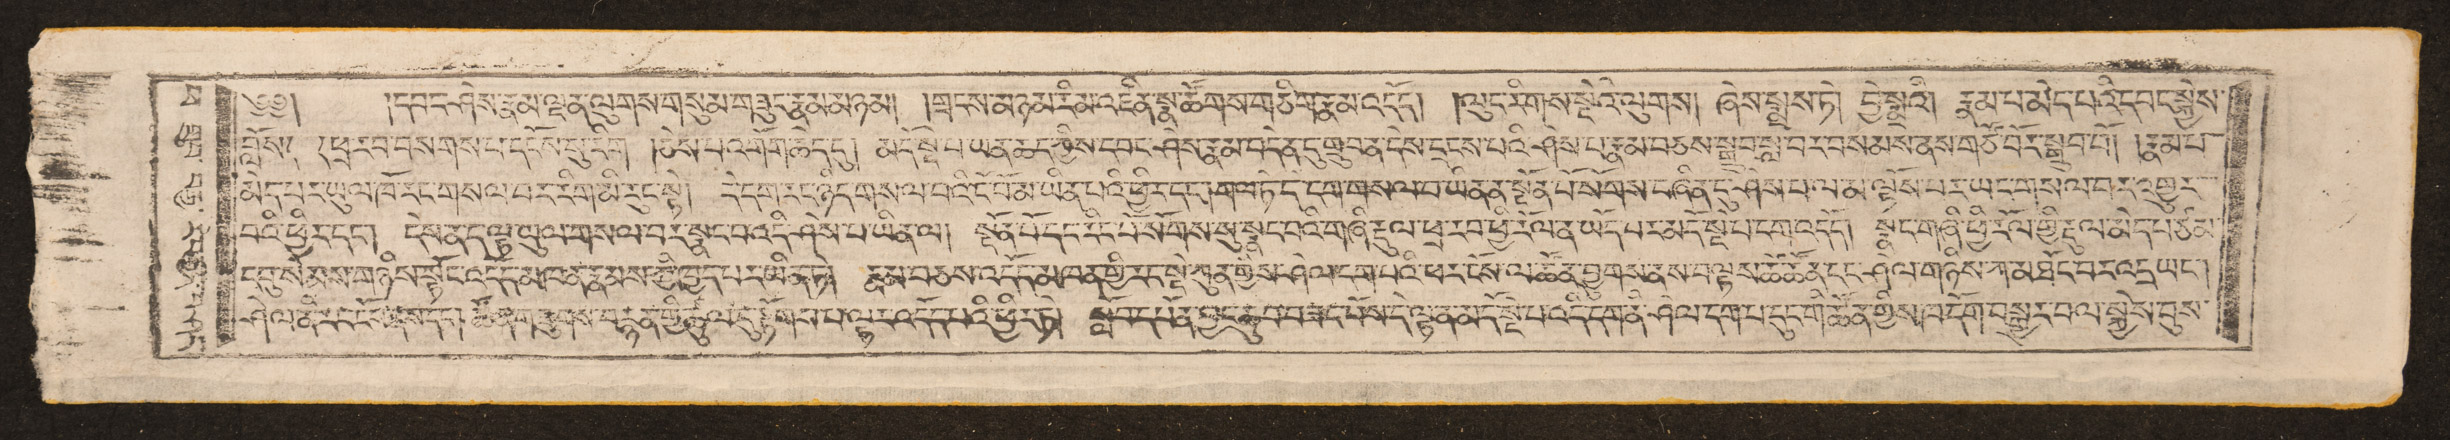༄༅། །དབང་ཤེས་རྣམ་ལྡན་ལུགས་གསུམ་གཟུང་རྣམ་མཉམ། །གྲངས་མཉམ་རིམ་འཛིན་སྣ་ཚོགས་གཅིག་རྣམ་འདོད། །ལུང་རིགས་སྡེའི་ལུགས། ཞེས་སྨྲས་ཏེ། བྱེ་སྨྲའི། རྣམ་པ་མེད་པའི་དབང་སྐྱེས་
བློས༑ ༑ཕྲ་རབ་བསགས་པ་དངོས་སུ་རིག །ཅེས་པ་འགོག་ཆེད་དུ། མདོ་སྡེ་པ་ཡན་ཆད་ཀྱིས་དབང་ཤེས་རྣམ་བདེན་དུ་གྲུབ་ན་དེས་དྲངས་པའི་ཤེས་པ་རྣམ་བཅས་སྒྲུབ་སླ་བར་བསམས་ནས་གཙོ་བོར་སྒྲུབ་བོ། །རྣམ་པ་
མེད་པར་ཡུལ་ཁོ་རང་གསལ་བར་རིག་མི་རུང་སྟེ། དེ་དག་རང་ཉིད་གསལ་བའི་ངོ་བོ་མ་ཡིན་པའི་ཕྱིར་དང་། གལ་ཏེ་དེ་དག་གསལ་བ་ཡིན་ན་སྔོན་པོ་སོགས་བཞིན་དུ་ཤེས་པ་ལ་མ་ལྟོས་པར་ཡང་གསལ་བར་འགྱུར་
བའི་ཕྱིར་དང་། དེས་ན་ད་?་ལྟ་ཡུལ་གསལ་བར་སྣང་བ་འདི་ཤེས་པ་ཡིན་ལ། སྔོན་པོ་དང་རིང་པོ་སོགས་སུ་སྣང་བའི་གཞི་རྡུལ་ཕྲ་རབ་ཕྱི་རོལ་ན་ཡོད་པར་མདོ་སྡེ་པ་ངག་འདོད། སྣང་གཞི་ཕྱི་རོལ་གྱི་རྡུལ་མེད་པ་ཙམ་
དབུ་སེམས་གཉིས་སྟོང་འདོད་མཁན་རྣམས་ཀྱི་ཁྱད་པར་ཡིན་ཏེ། རྣམ་བཅས་འདོད་མཁན་གྱི་རང་སྡེ་ཀུན་གྱིས་ཤེལ་དག་པའི་ཕར་ངོས་ལ་ཚོན་བྱུགས་ནས་བལྟས་ཚོ་ཚོན་དང་ཤེལ་གཉིས་ཀ་མཐོང་བར་འདྲ་ཡང་།
ཤེལ་ནི་རང་ངོས་ནས་དང་། ཚོན་གཟུགས་བརྙན་གྱི་ཚུལ་དུ་རྟོགས་པ་ལྟར་འདོད་པའི་ཕྱིར་ཏེ། སློབ་དཔོན་བྱང་ཆུབ་བཟང་པོས་དེ་ལྟ་ན་མདོ་སྡེ་པ་འདི་དག་ནི་ཤལ་དག་པ་དུང་གི་ཚོན་གྱིས་ཁ་དོག་བསྒྱུར་བ་ལ་སྐྱེས་བུས་